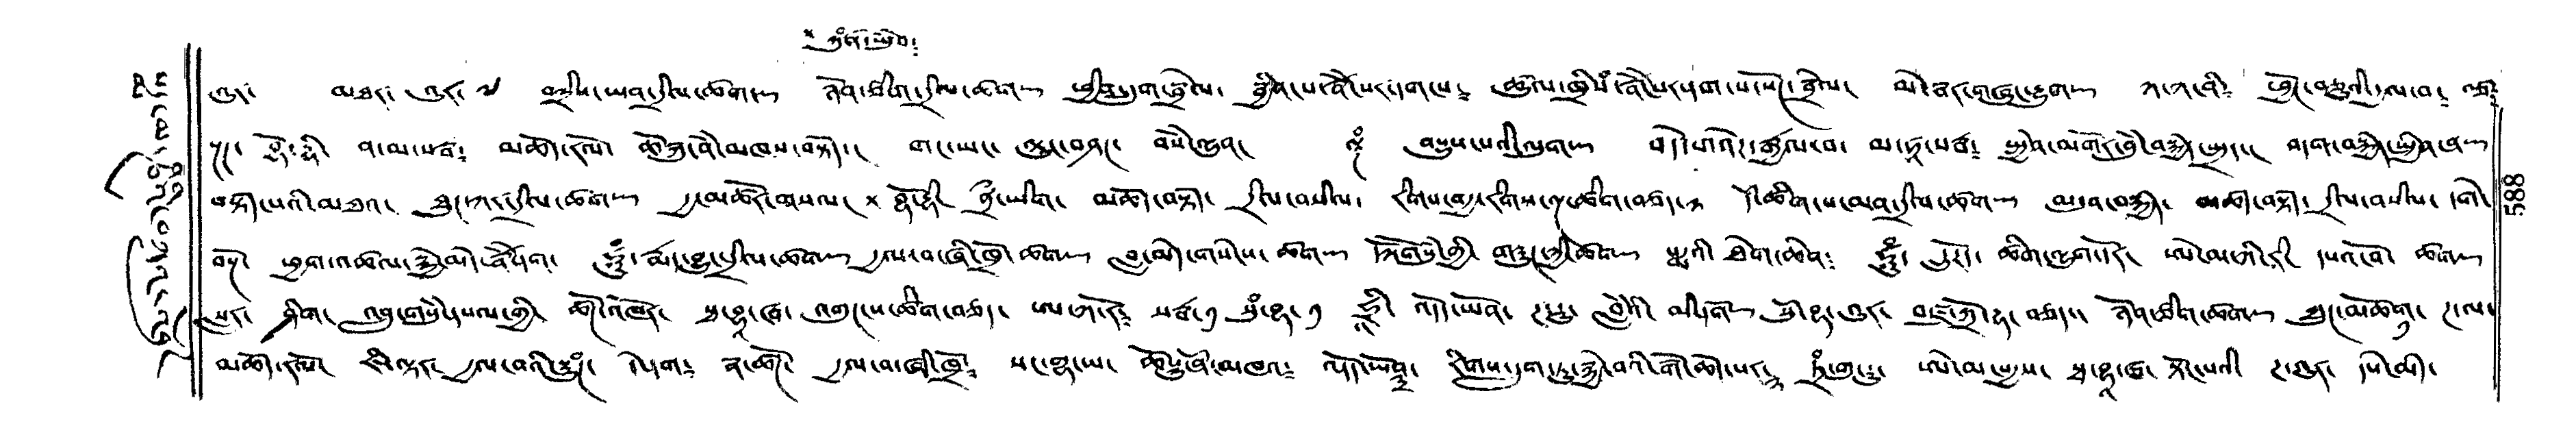འུར། མཐར། འུར་བདུན། བཀྲ་ཤིས་ཡན་དྲིལ་ཚག ཉོན་ཅིག༴ དྲིལ་ཚག ཕྱིན་དྲུག་སྦྲེལ། མེ་སྦར་གཞུང་རྒྱུག ཀ་ཀ་ནི༴ ཕྱོགས་བཅུའི་རྒྱལ་བ༴ རྩ་
སྔགས། བྷོ་དྷི༴ ན་མ་སརྦ༴ མཆོད་རོལ། ཆོས་སྐུ་ནམ་མཁ ས་བསྟོད། གང་ཡང༴ ལྟུང་བཤགས། བསམ་ལྷུན། ༈ བསྡུས་པའི་ལུགས། བདེ་གཤེགས་རྒྱལ་བ༴ མ་ཧཱ་སརྦ༴ སྤྱན་འདྲེན་མགོར་བུམ་བསྐྱེད་སྤྲད། བདག་བསྐྱེད་སྤྱན་འདྲེན་ནས་
བསྟོད་པའི་མཐའ། ཐུགས་ཀར༴ དྲིལ་ཚག རྒྱ་མཚོར་གསལ། ཀུན་བཟང་ཡབ་ཡུམ༴ བྷཽ་དྷི། ནྲྀ་ཡིག མཆོད་བསྟོད། དྲིལ་བསིལ། རིགས་བརྒྱ་རིགས་ལྔ་ཚིགས་བཅད་གཉིས།དམ་ཚིག་པ༴ མན་དྲིལ་ཚག མདུན་བསྐྱེད། མཆོད་བསྟོད། དྲིལ་བསིལ དགེ་
བསྔོ། ཕྱག་འཚལ་སྐྱེ་མེད་རྣམ་དག༴ ཧཱུྃ། རྨད་བྱུང༴ དྲིལ་ཚག རྒྱལ་བ་ཞི་ཁྲོ༴ ཚག བླ་མེད་གསང༴ ཚག དཀོན་མཆོག་གསུམ་གྱི༴ གཟུགས་ཀྱི༴ ཚག པདྨའི་ཐེག་ཆེན༴ ཧཱུྃ། དུར་ཁྲོད༴ ཚིག་ལྷུག་དོར། ཨེ་མ་ཀེ་རི༴ དཔའ་བོ༴ ཚག་
སླར། ཤིག འབྲུ་གསུམ་དཔལ་གྱི༴ ཚོགས་འཁོར། སྭ་བྷཱ་ཝ༴ འགུགས་པ་ཚིགས་བཅད། ཨ་ཀ་རོ༴ སརྦ༴ གཅིག སུམ་བྷ༴ གཅིག ཧྲཱི། འདོད་ཡོན༴ ཌཱ་རུ། བླ་མའི༴ མི་དགོས། སུམ་བྷ༴ འུར། བཛྲ་ཀྲོ་དྷ༴ བཅད། ཉོན་ཅིག༴ ཚག ཐུགས་མཆོག༴ གཅིག ཌཱ་རུ། 
མཆོད་རོལ། ཇི་ལྟར༴ རྒྱལ་བའི་སྐུ་གཟུགས༴ དེ་དག༴ སྣ་ཚོགས༴ རྒྱལ་བ་ཞི་ཁྲོ༴ སང་གྷ་ཡ༴ ཆོས་སྐུ་ནམ་མཁའ༴ འདོད་ཡོན༴ གསུམ། རིགས་དྲུག་ཏུ་སྐྱེ་བའི་སྒོ་ཆོད་པར༴ གཉིས། ཏྲམ་གུ་རུ༴ ཨེ་མ་སངས་རྒྱས༴ སྭ་བྷཱ་ཝ༴ སྟོང་པའི༴ ཌཱ་འུར། དཔེ་མེད༴